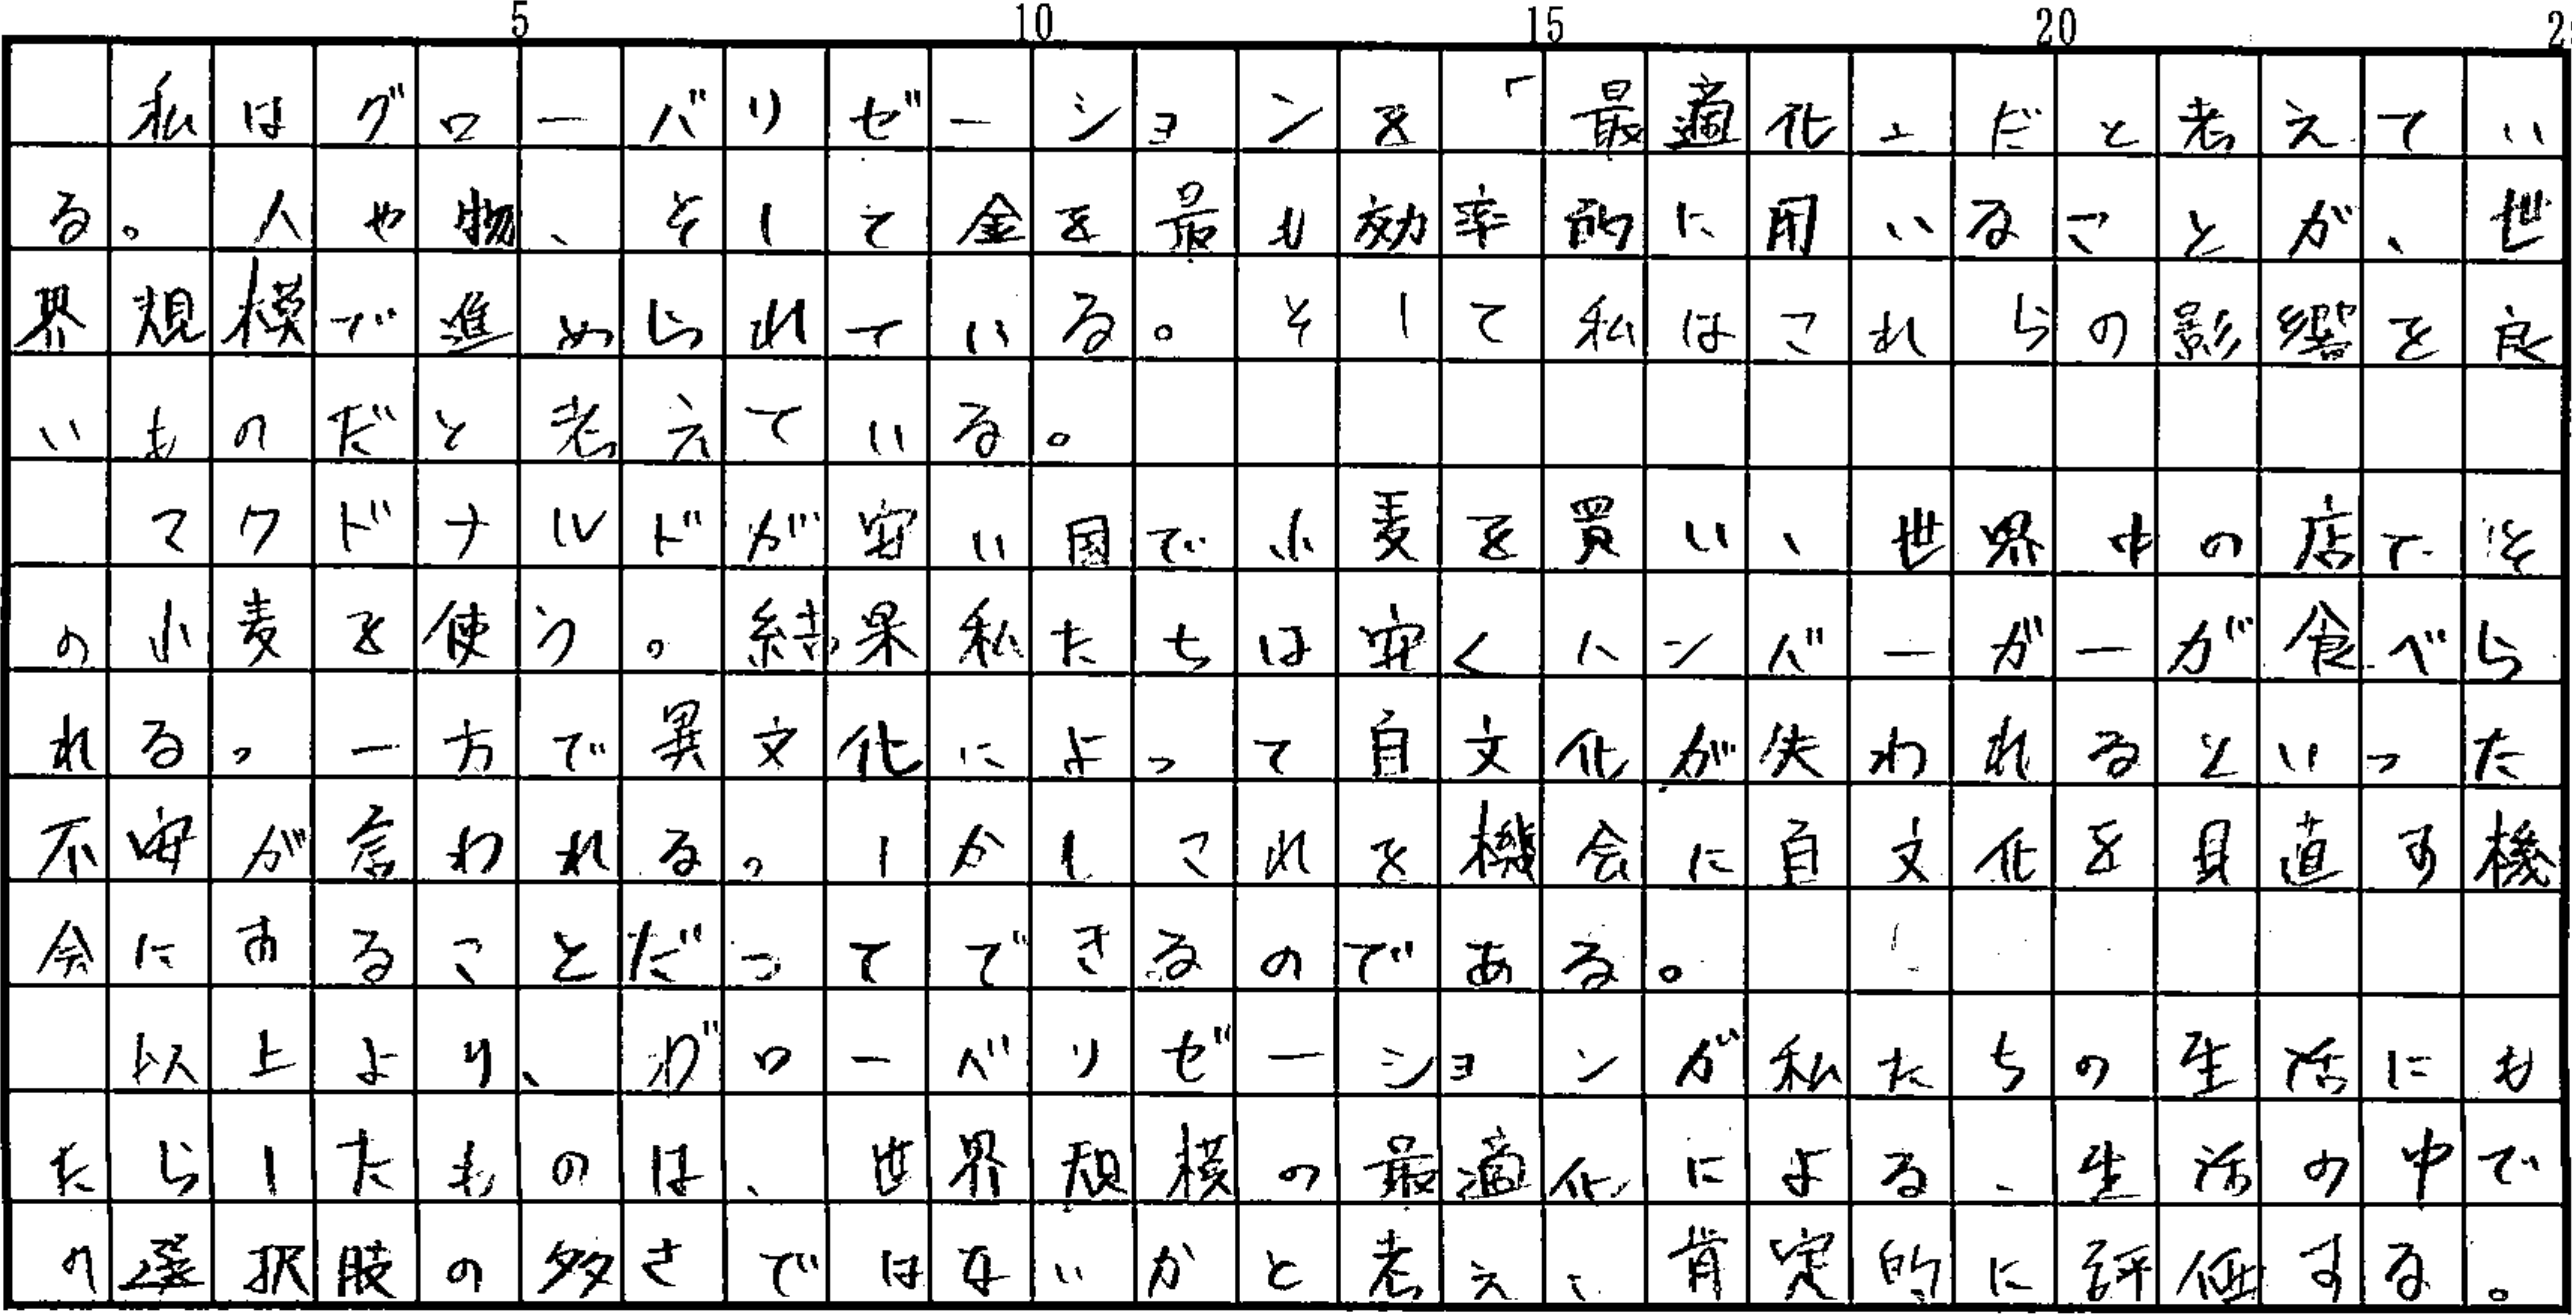　私はグローバリゼーションを「最適化」だと考えている。人や物、そして金を最も効率的に用いることが、世界規模で進められている。そして私はこれらの影響を良いものだと考えている。
　マクドナルドが安い国で小麦を買い、世界中の店でその小麦を使う。結果私たちは安くハンバーガーが食べられる。一方で異文化によって自文化が失われるといった不安が言われる。しかしこれを機会に自文化を見直す機会にすることだってできるのである。
　以上により、グローバリゼーションが私たちの生活にもたらしたものは、世界規模の最適化による、生活の中での選択肢の多さではないかと考え、肯定的に評価する。
